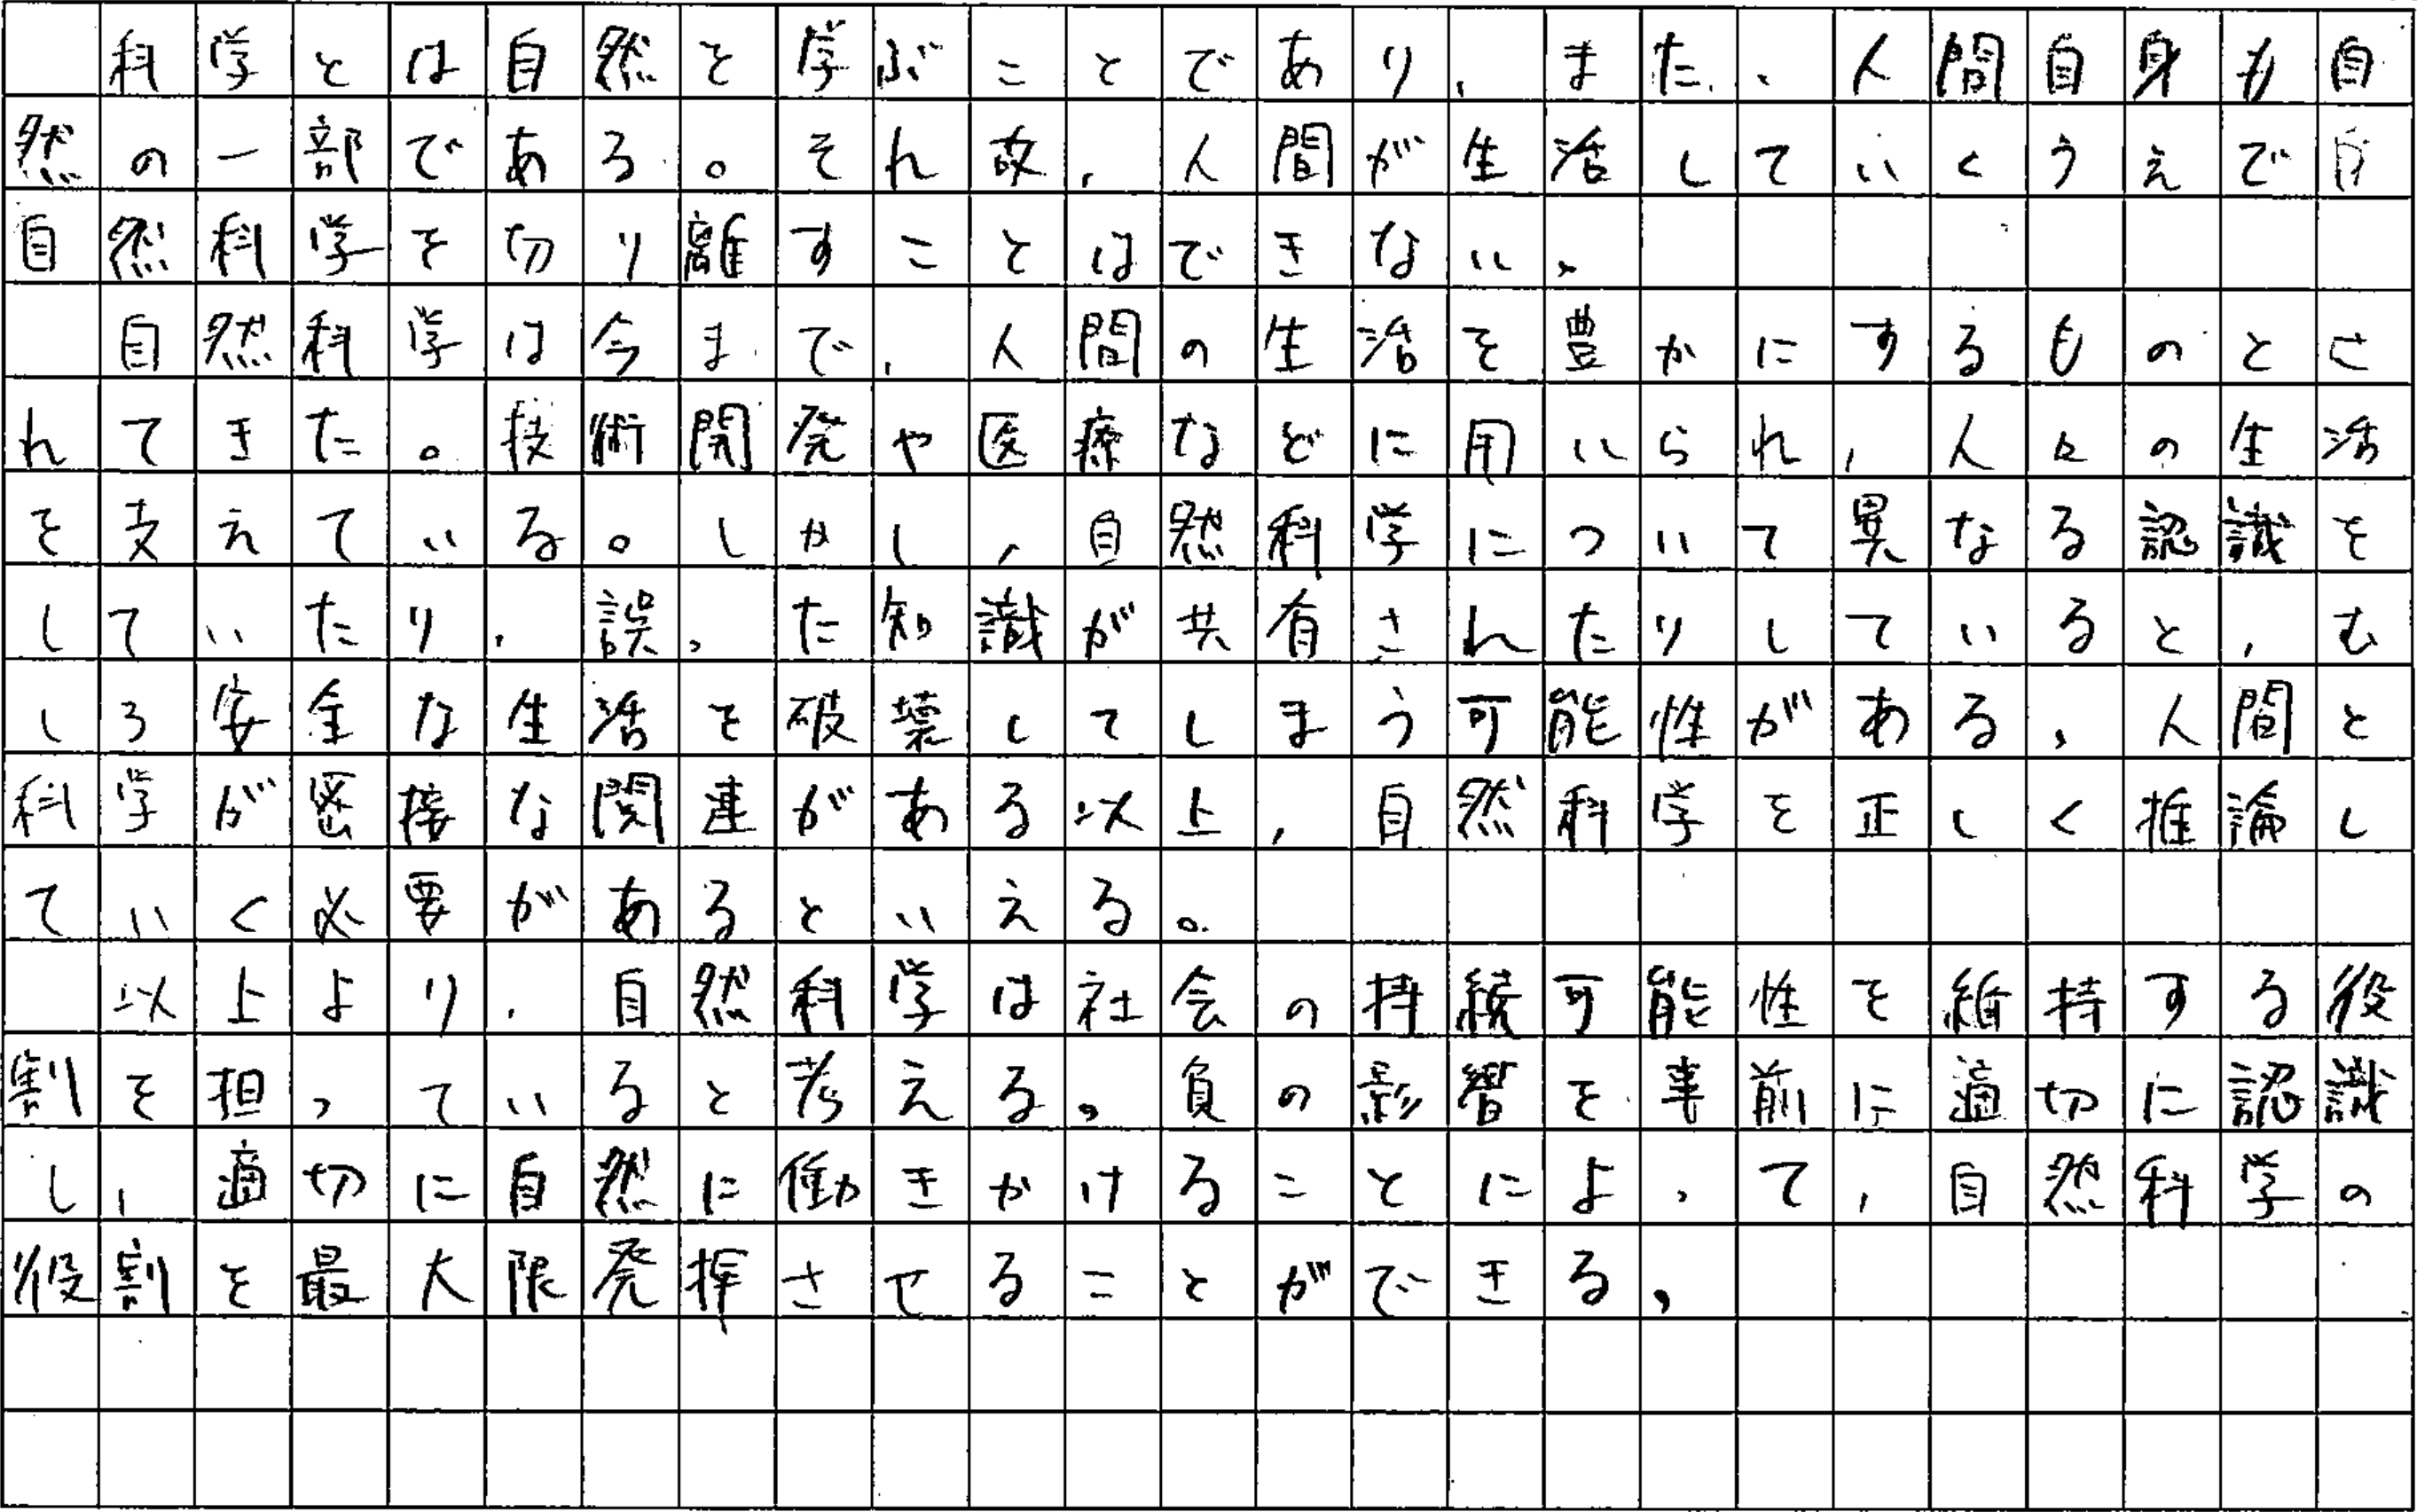　科学とは自然を学ぶことであり、また、人間自身も自然の一部である。それ故、人間が生活していくうえで、自然科学を切り離すことはできない。
　自然科学は今まで、人間の生活を豊かにするものとされてきた。技術開発や医療などに用いられ、人々の生活を支えている。しかし、自然科学について異なる認識をしていたり、誤った知識が共有されたりしていると、むしろ安全な生活を破壊してしまう可能性がある。人間と科学が密接な関連がある以上、自然科学を正しく推論していく必要があるといえる。
　以上より自然科学は社会の持続可能性を維持する役割を担っていると考える。負の影響を事前に適切に認識し、適切に自然に働きかけることによって、自然科学の役割を最大限発揮させることができる。
